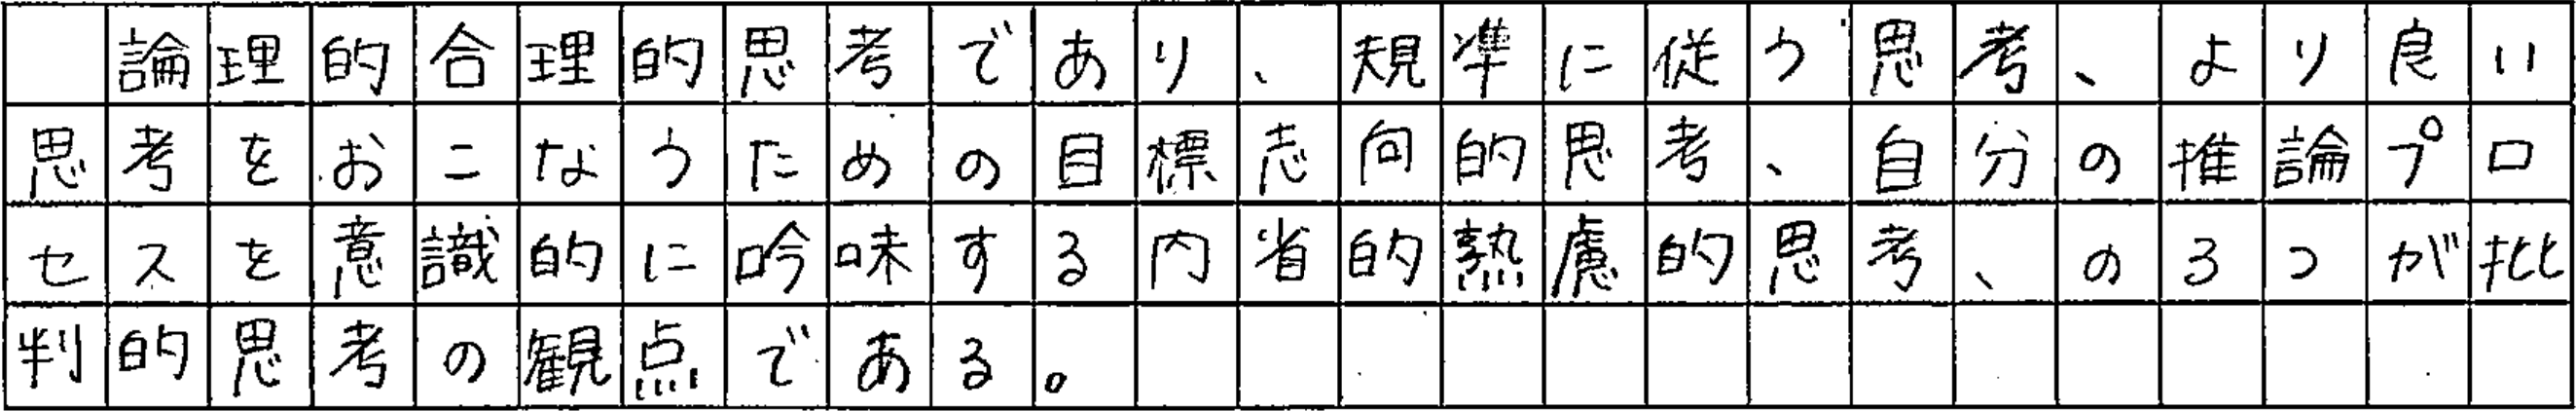　論理的合理的思考であり、規凖に従う思考、より良い思考をおこなうための目標志向的思考、自分の推論プロセスを意識的に吟味する内省的熟慮的思考、の３つが批判的思考の観点である。
